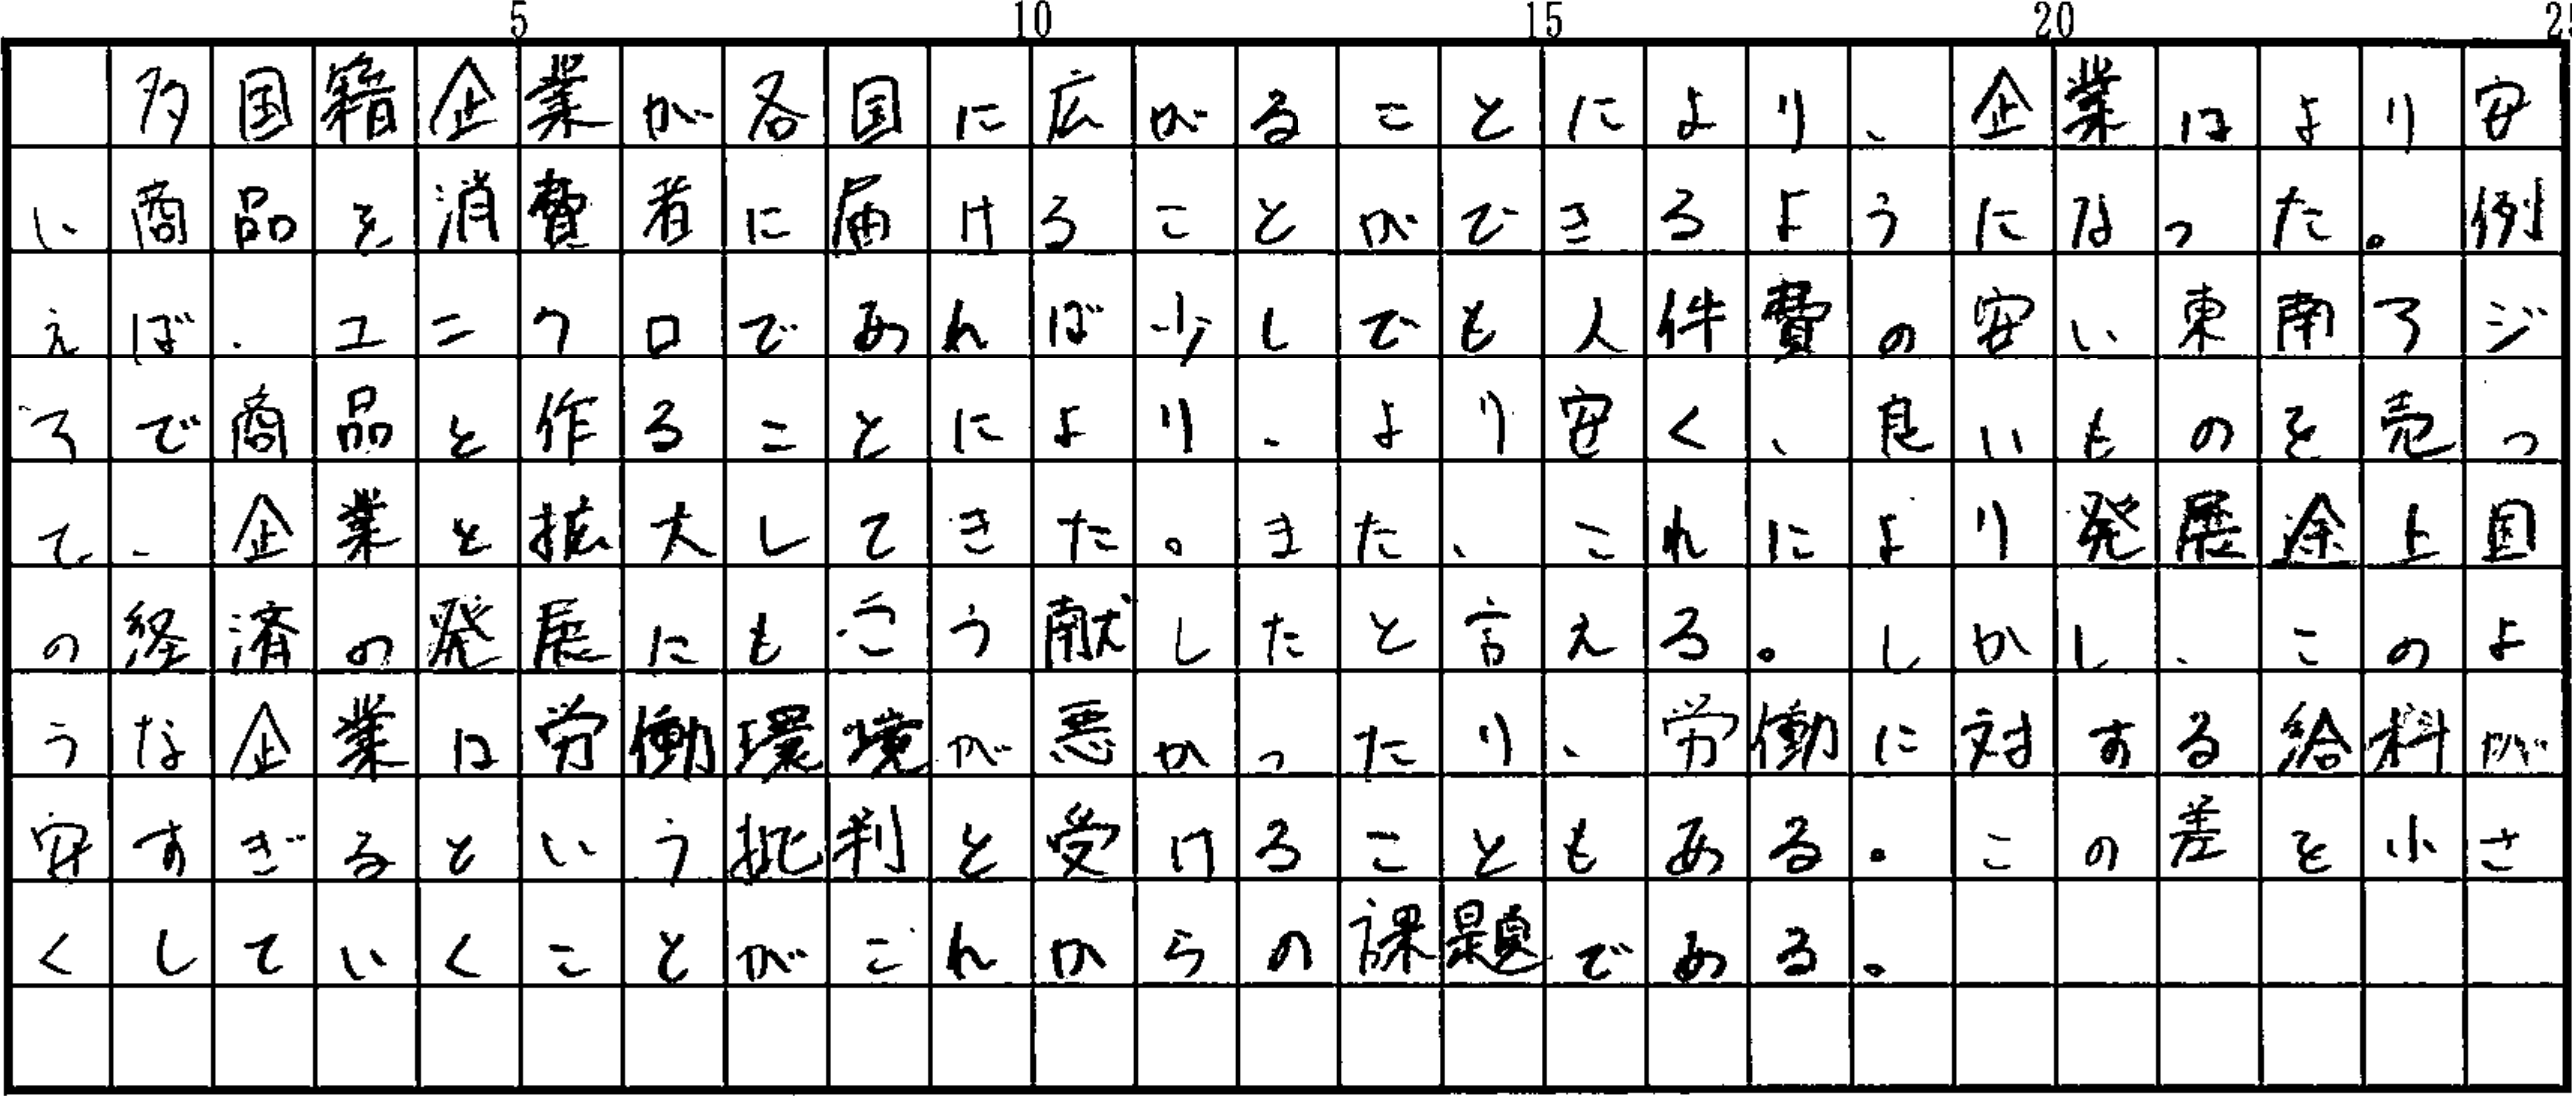　多国籍企業が各国に広がることにより、企業はより安い商品を消費者に届けることができるようになった。例えば、ユニクロであれば少しでも人件費の安い東南アジアで商品を作ることにより、より安く、良いものを売って、企業を拡大してきた。また、これにより発展途上国の経済の発展にもこう献したと言える。しかし、このような企業は労働環境が悪かったり、労働に対する給料が安すぎるという批判を受けることもある。この差を小さくしていくことがこれからの課題である。
